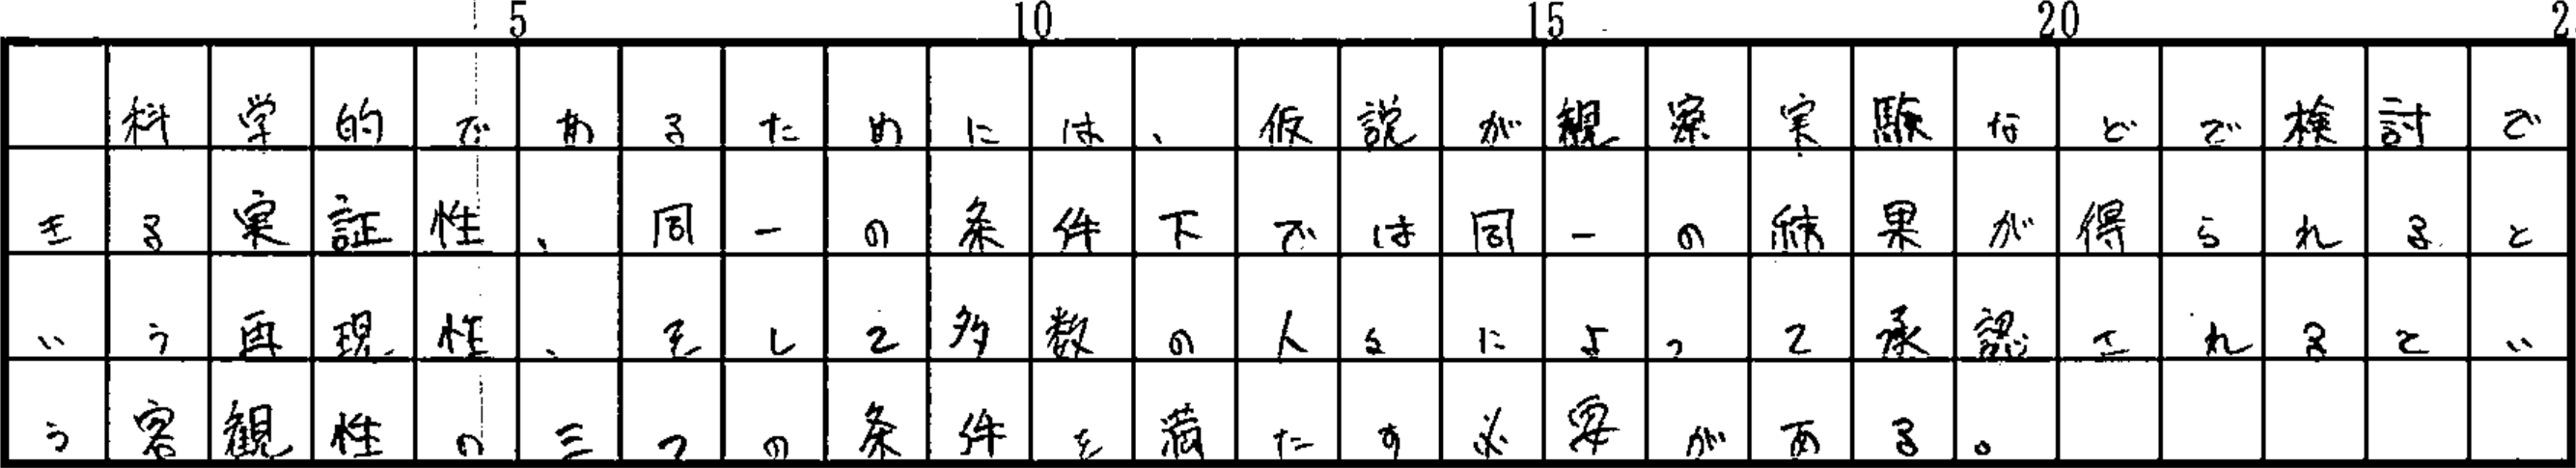　科学的であるためには、仮説が観察実験などで検討できる実証性、同一の条件下では同一の結果が結果が得られるという再現性、そして多数の人々によって承認されるという客観性の三つの条件を満たす必要がある。
